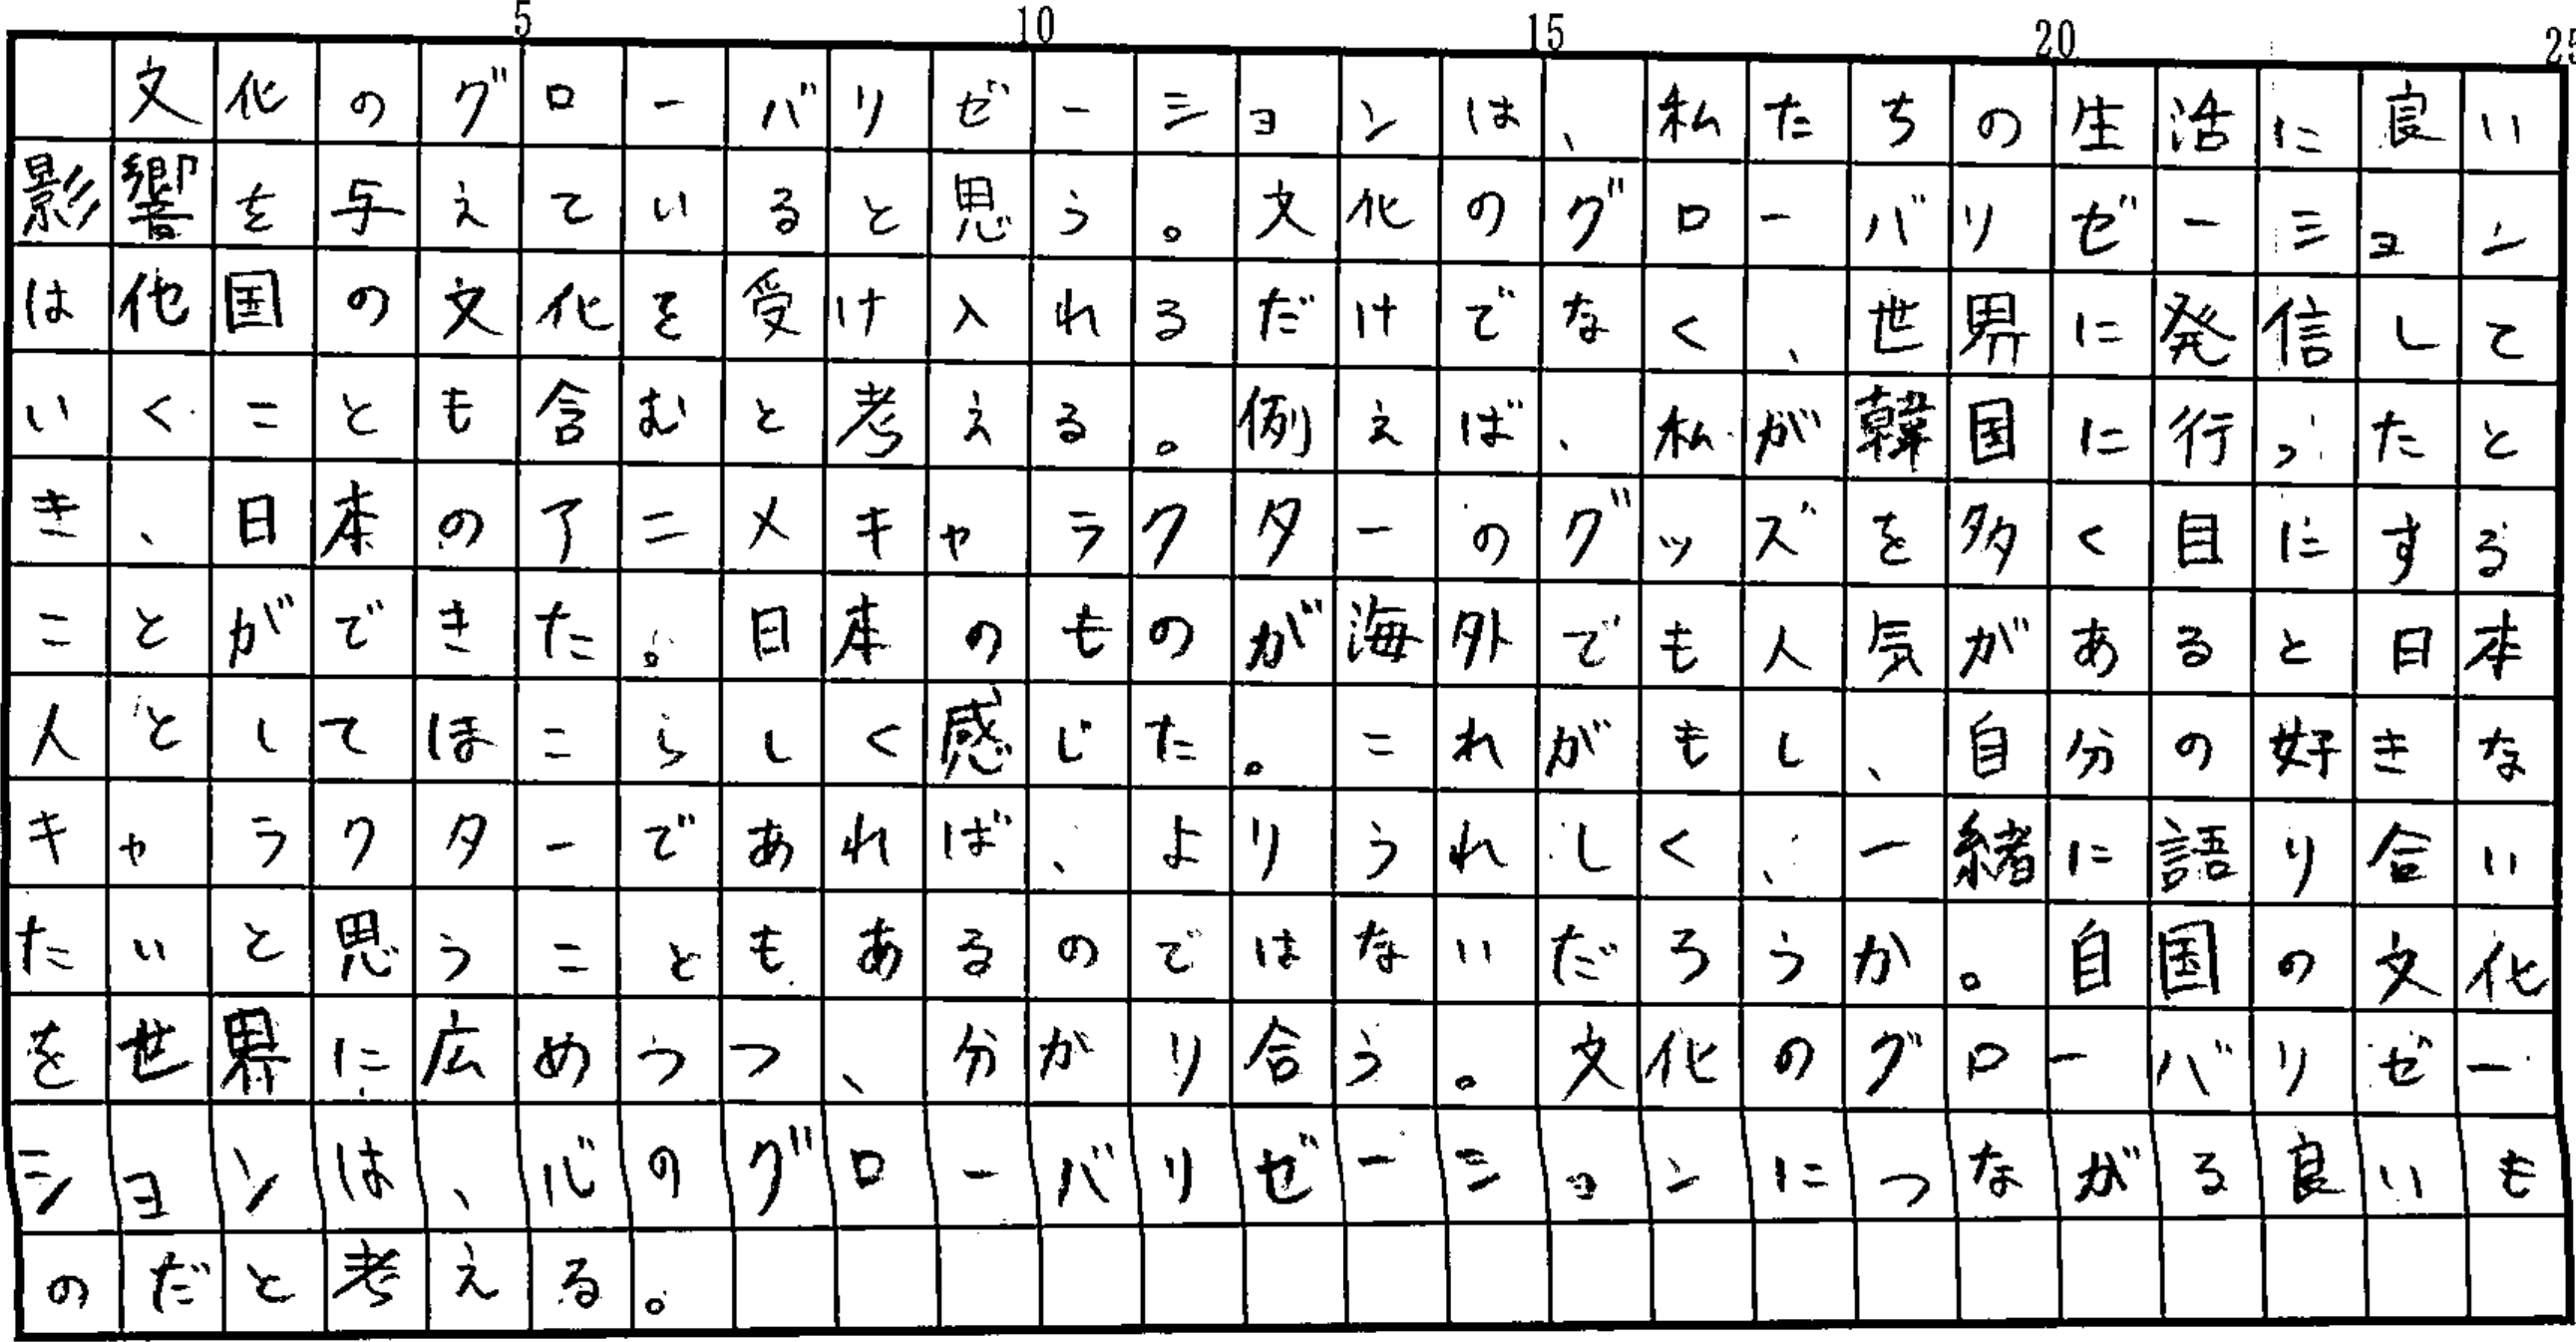　文化のグローバリゼーションは、私たちの生活に良い影響を与えていると思う。文化のグローバリゼーションは他国の文化を受け入れるだけでなく、世界に発信していくことも含むと考える。例えば、私が韓国に行ったとき、日本のアニメキャラクターのグッズを多く目にすることができた。日本のものが海外でも人気があると日本人としてほこらしく感じた。これがもし、自分の好きなキャラクターであれば、よりうれしく、一緒に語り合いたいと思うこともあるのではないだろうか。自国の文化を世界に広めつつ、分かり合う。文化のグローバリゼーションは、心のグローバリゼーションにつながる良いものだと考える。
